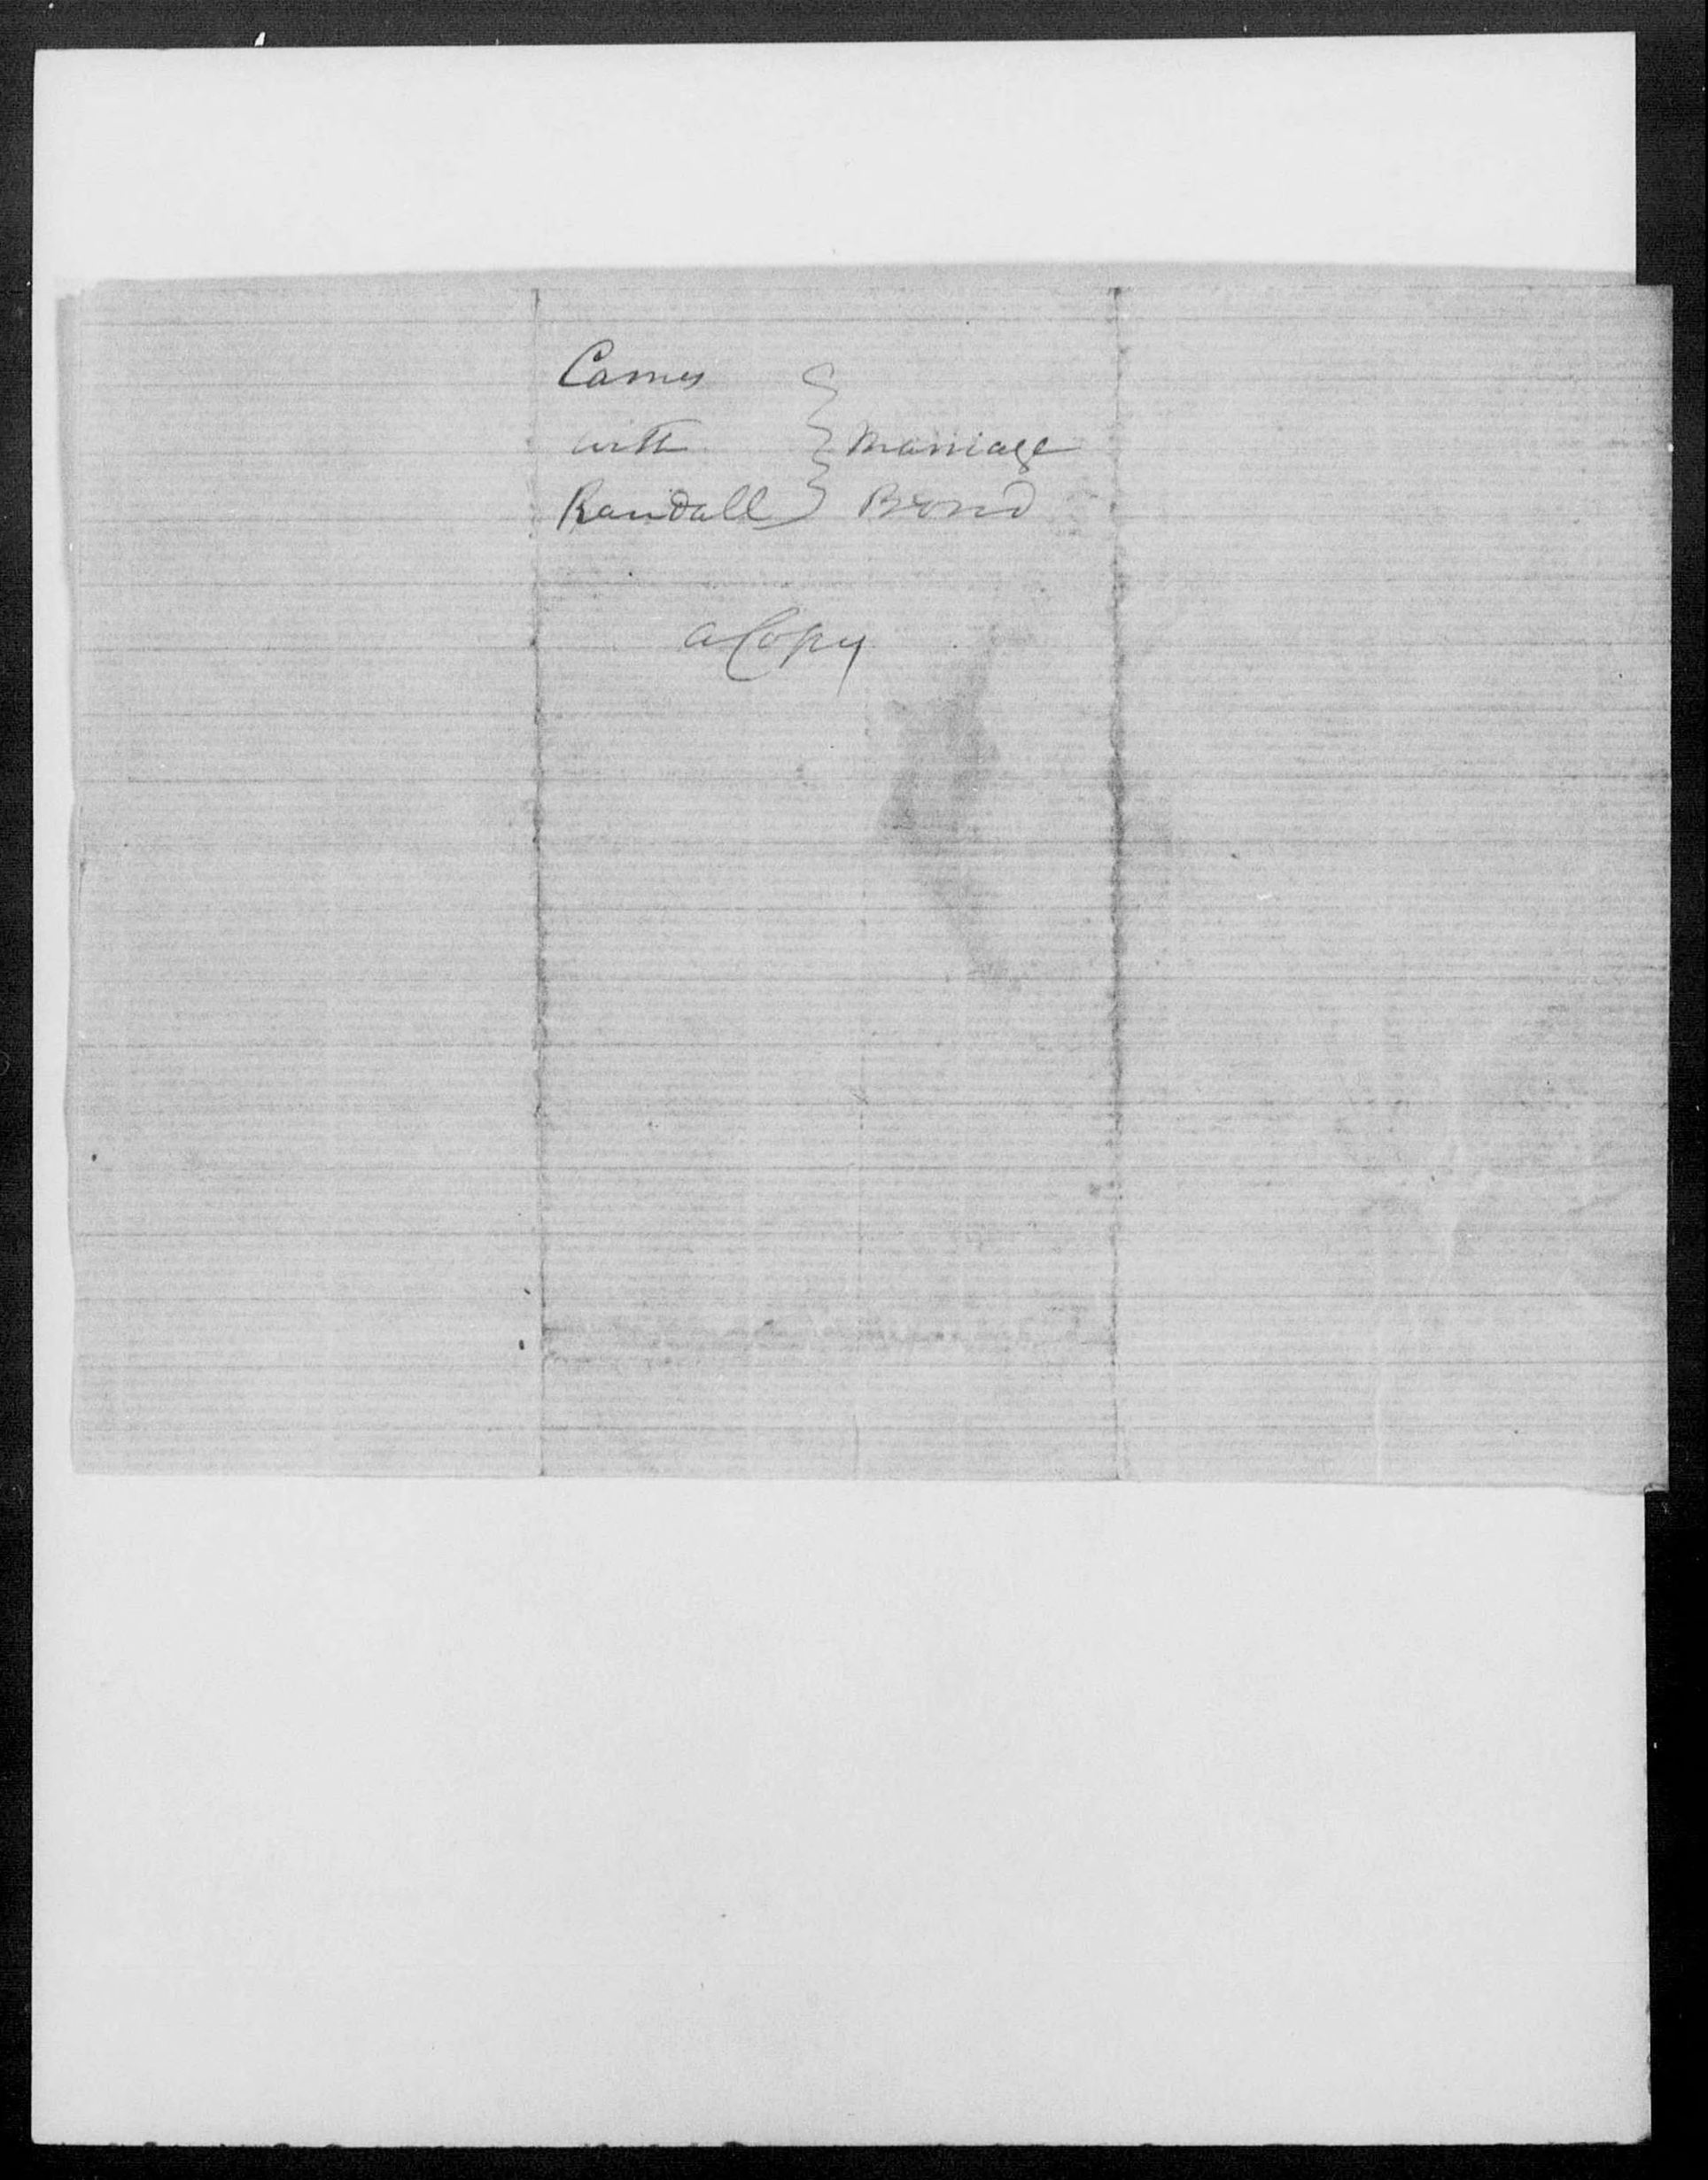Carnes
With 		
marriage
Randall 	
Bond
A Copy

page: 8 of 22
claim: rejected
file: R 1709, Joshua Carnes, Va.